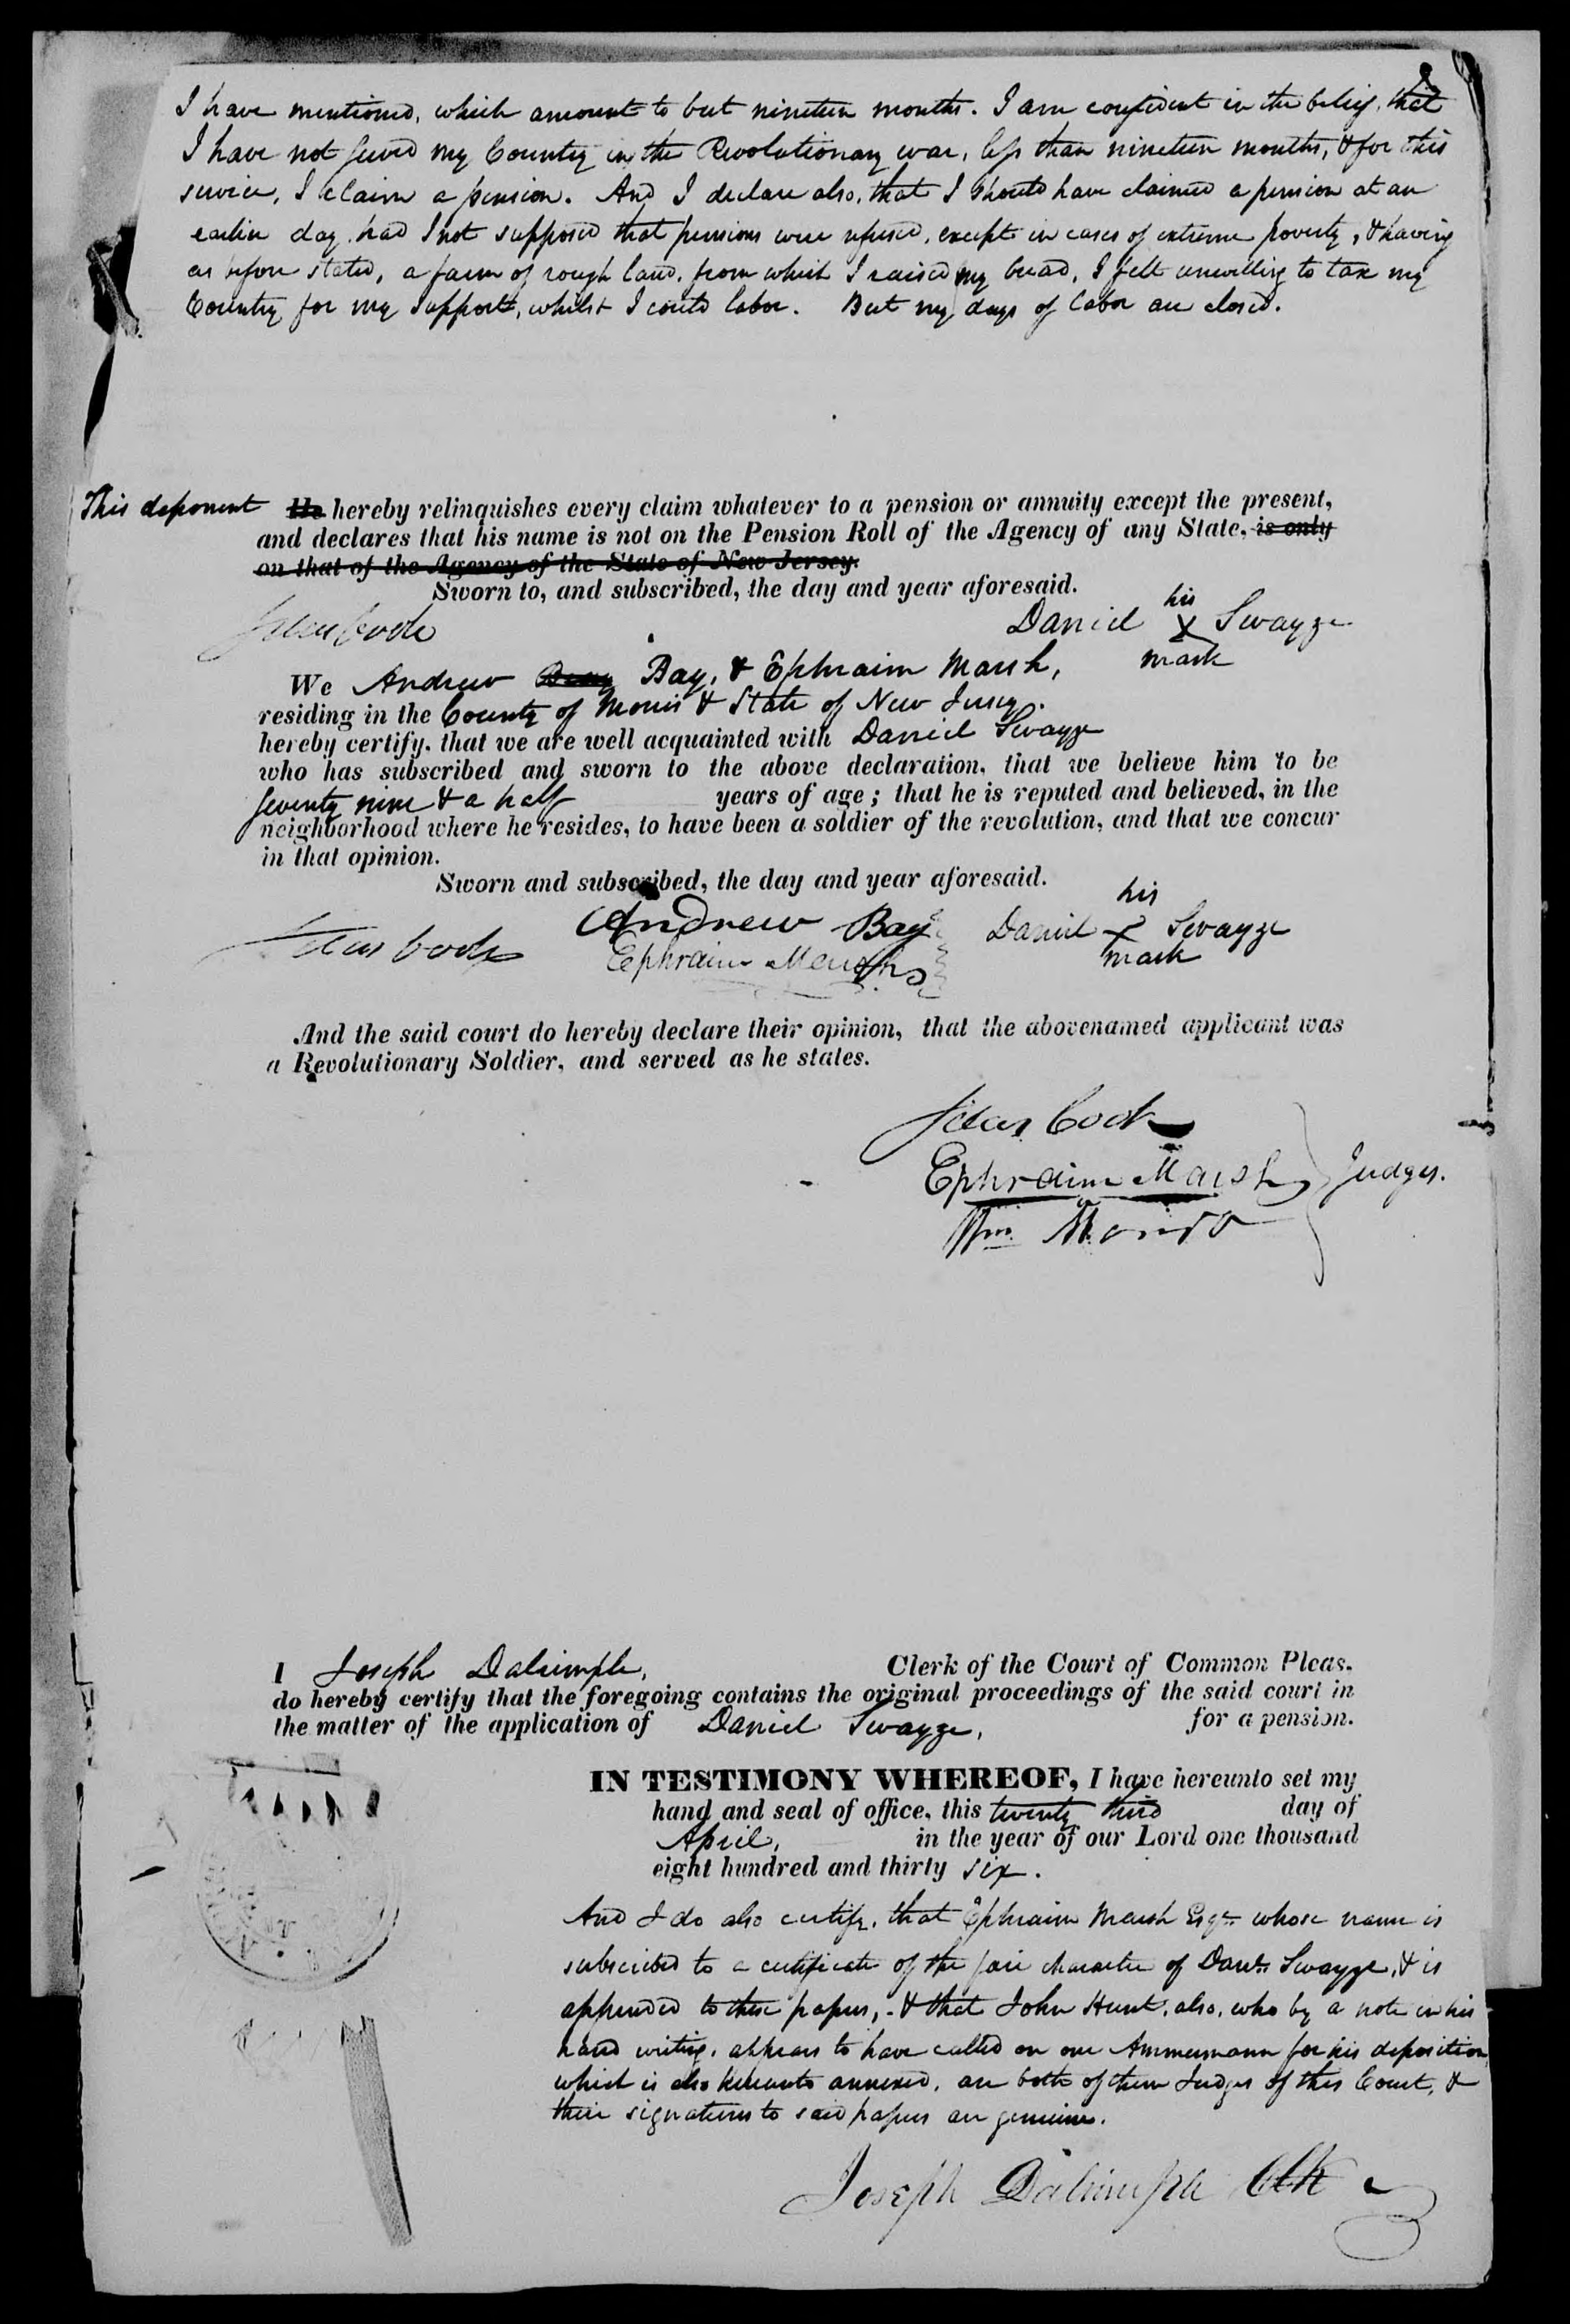I have mentioned, which amount to but nineteen months.  I am confident in the belief, that I have not served my Country in the Revolutionary ware, less than nineteen months, & for this service, I claim a pension.  And I declare also, that I should have claimed a pension at an earlier day had I not supported that pensions were refused,l except in cases of extreme poverty, & having as before stated, a farm of rough land, from which I raised my bread, I felt unwilling to tax my Country for my support , whilst I could labor.  But my days of labor are closed.

This deponent hereby relinquishes every claim whatever to a pension or annuity except the present, and declares that his name is not on the pension Roll of the Agency of any State, ( this next text is stricken (is only on that of the agency of the State of New Jersey.))
Sworn to, and subscribed, the day and year aforesaid.
[illegible] Daniel his x mark Swayze
We Andrew Bay, & Ephraim March,
residing in the County of Morris & State of New Jersey.
hereby certify. that we are well acquainted with Daniel Swayze
who has subscribed and sworn to the above declaration, that we believe him to be Seventy nnine & a half years of age; that he is reputed and believed, in the neighborhood where he resides, to have been a soldier of the revolution, and that we concur in that opinion.
Sworn and subscribed, the day and year aforesaid.
Andrew Bay
[illegible] Ephraim March
Daniel his x mark Swayze
And the said court do hereby declare their opinion, that the abovenamed applicant was a Revolutionary Soldier, and served as he states.
[illegible] Cook
Ephraim Marsh
Wm Manra
judges

I Joseph Dalrimple, Clerk of the Court of Common Pleas, do hereby certify that the foregoing contains the original proceedings of the said court in the matter of the application of Daniel Swayze, for pension.

IN TESTIMONY WHEREOF, I have hereunto set my hand seal of office, this twenty third day of April, in the year of our Lord one thousand eight hundred and thirty six.

And I do also certify that Ephraim Marsh Esq whose name is subscribed to a certificate of the fair character of Daniel Swayze, & is appended to these papers. & that John Hunt, also who by a note in his hand writing, appears to have called on one Ammermann for his deposition which is also hereunto annexed, an both of them judges of this Court, & their signatures to said papers are genuine. 

Joseph Dalniusrh[illegible]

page: 8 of 20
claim: survivor's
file: S. 4911, for Daniel Swayze, New Jersey